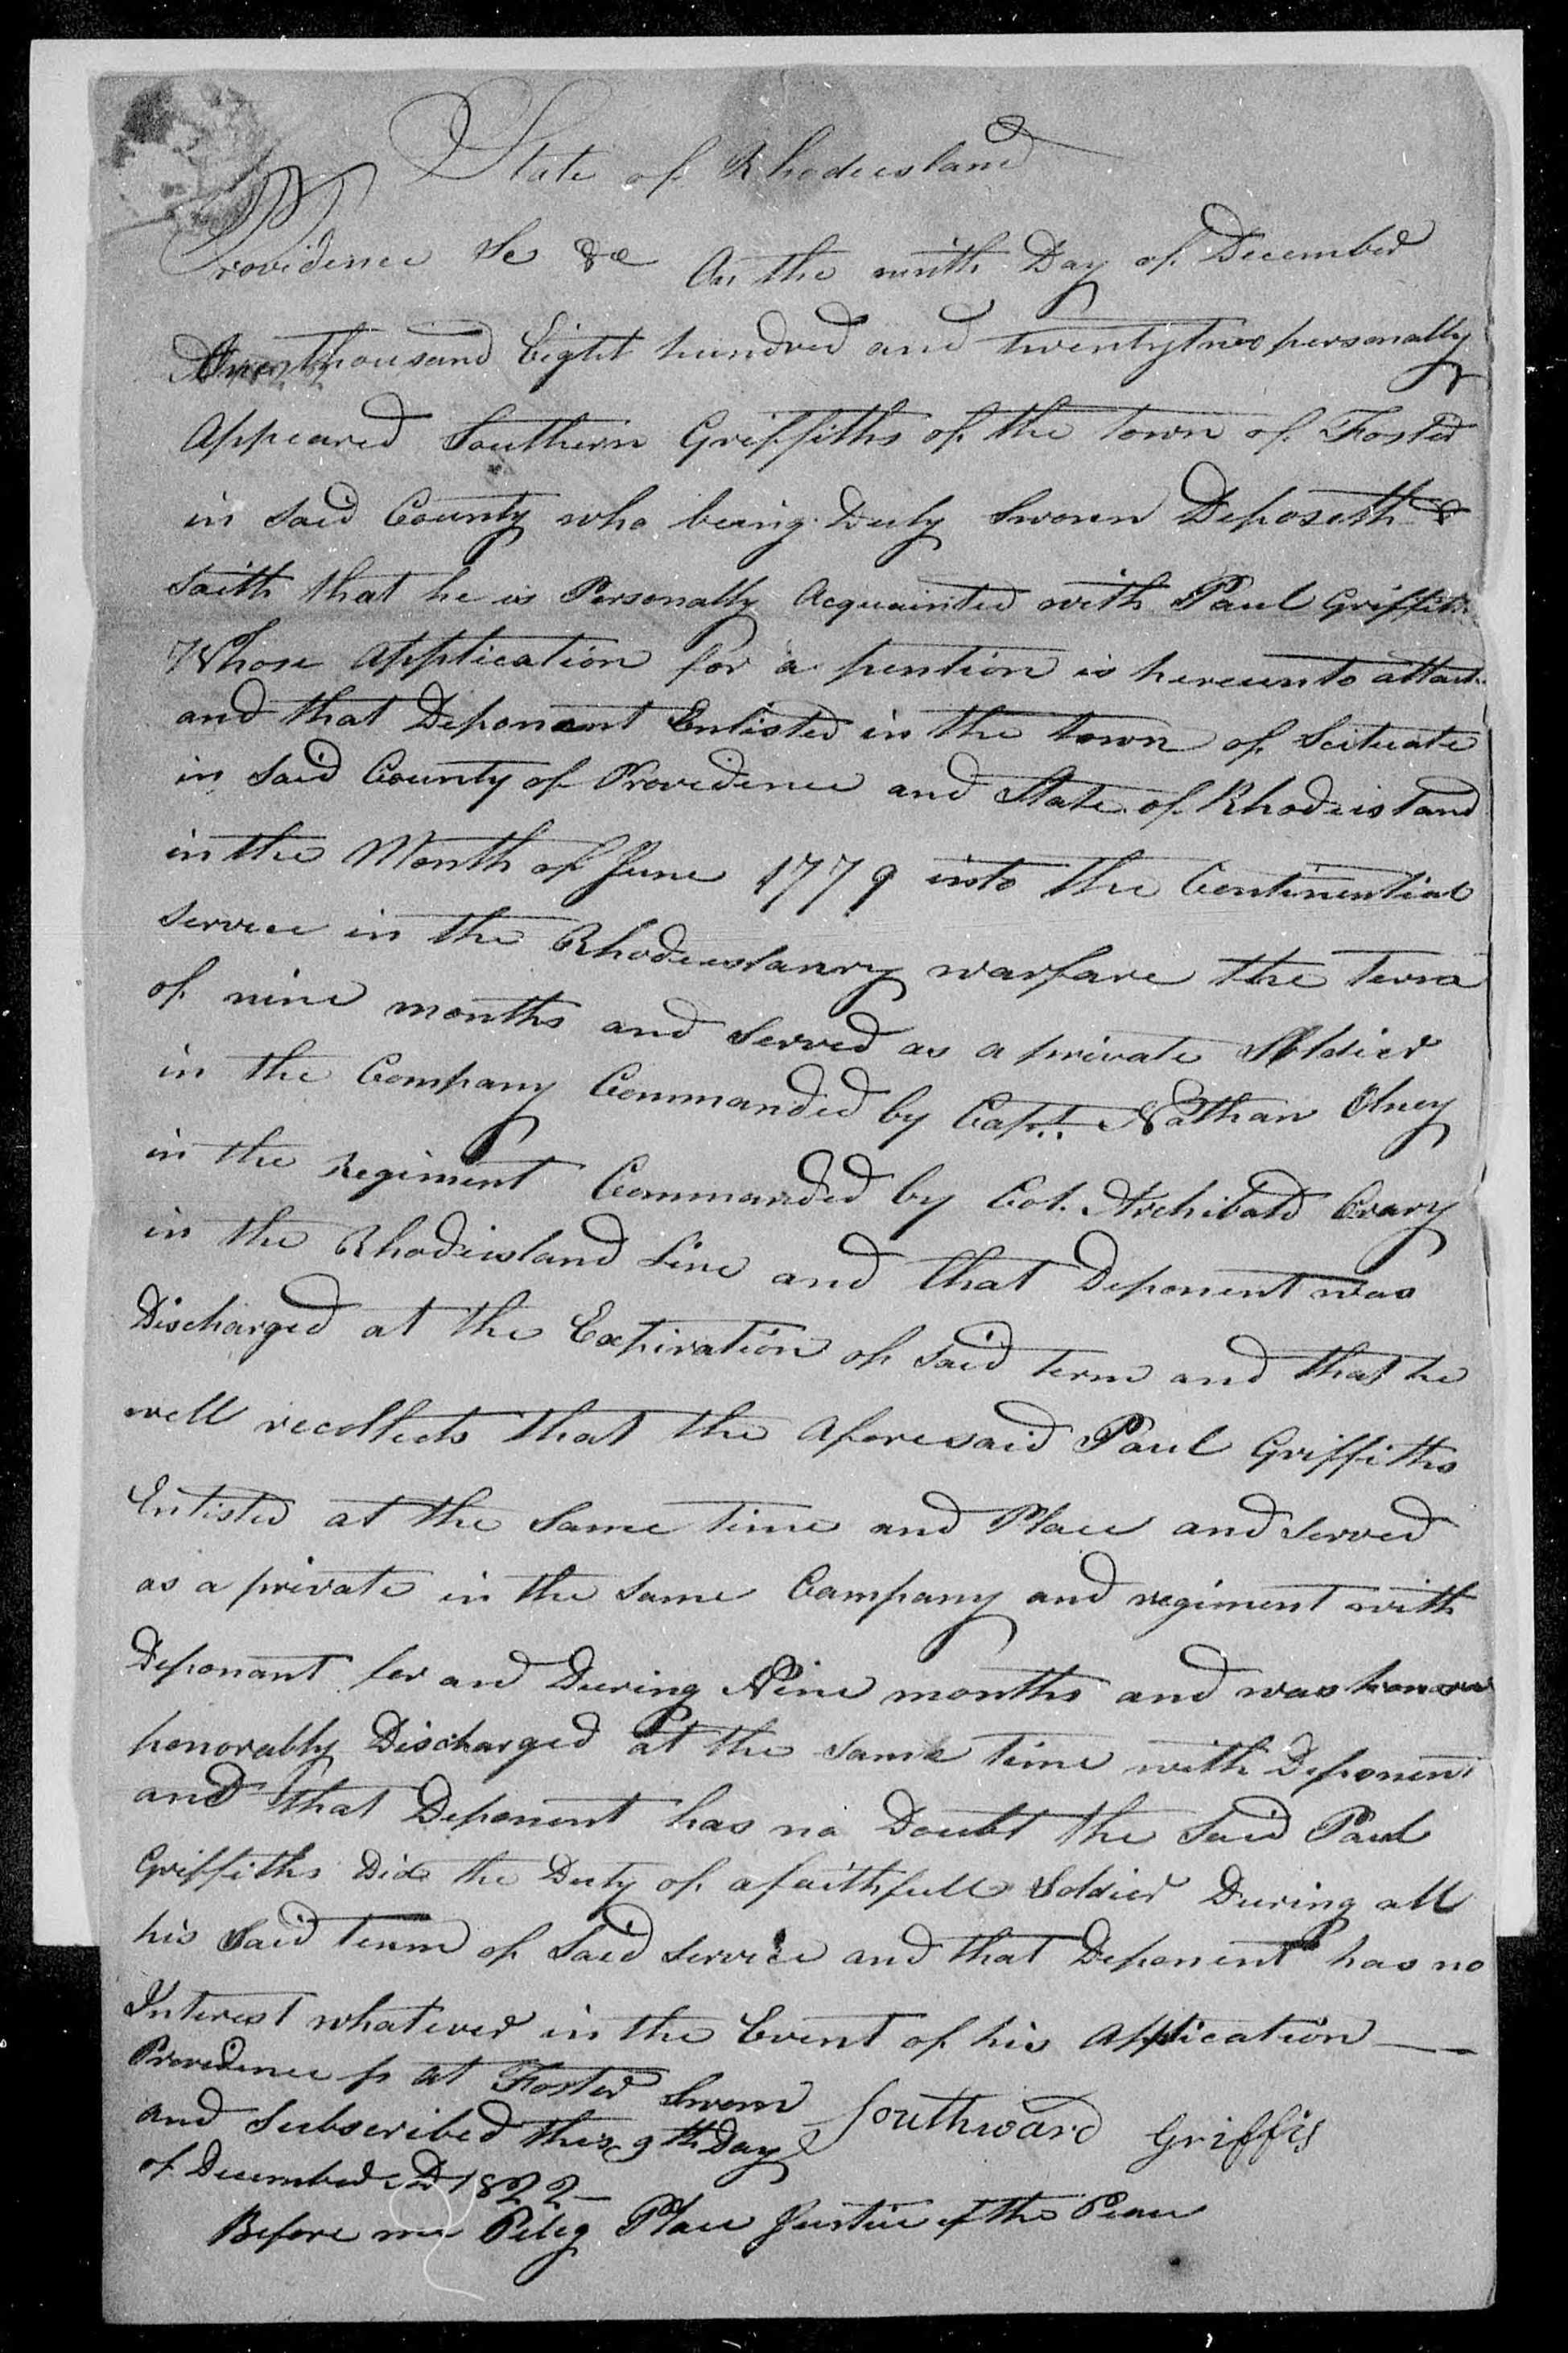State of Rhode Island
Providence ss. 

On the ninth day of December, one thousand eight hundred and twenty two, personally appeared Southward Griffiths of the town of Foster in said County who being duly sworn deposeth & saith that he is personally acquainted with Paul Griffiths whose application for a pension is hereunto attached and that deponent enlisted in the town of Scituate in said County of Providence and State of Rhode Island in the month of June 1779, into the Continental service in the Rhode Island army ? the term of nine months and served as a private soldier in the company commanded by Capt. Nathan Olney in the regiment commanded by Col. Archibald Crary in the Rhode Island Line and that deponent was discharged at the expiration of said terms and that he well recollects that the aforesaid Paul Griffiths enlisted at the same time and place and served as a private in the same company and regiment with deponent for and during nine months and was honorably discharged at the same time with deponent and that deponent has no doubt the said Paul Griffiths did the duty of a faithful soldier during all his said term of said service and that deponent has no interest whatever int he event of his application -

Southward Griffiths

Providence ss. at Foster
Sworn and subscribed this 9th day of December A.D. 1822 -
Before me Peleg Place, Justice of the Peace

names: Nathan Olney, Paul Griffiths, Southward Griffis, Southern Griffiths, Paul Griffiths, Archibald Crary, Peleg Place, Paul Griffiths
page: 17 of 61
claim: survivor's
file: S. 22798, Paul Griffiths, R.I.